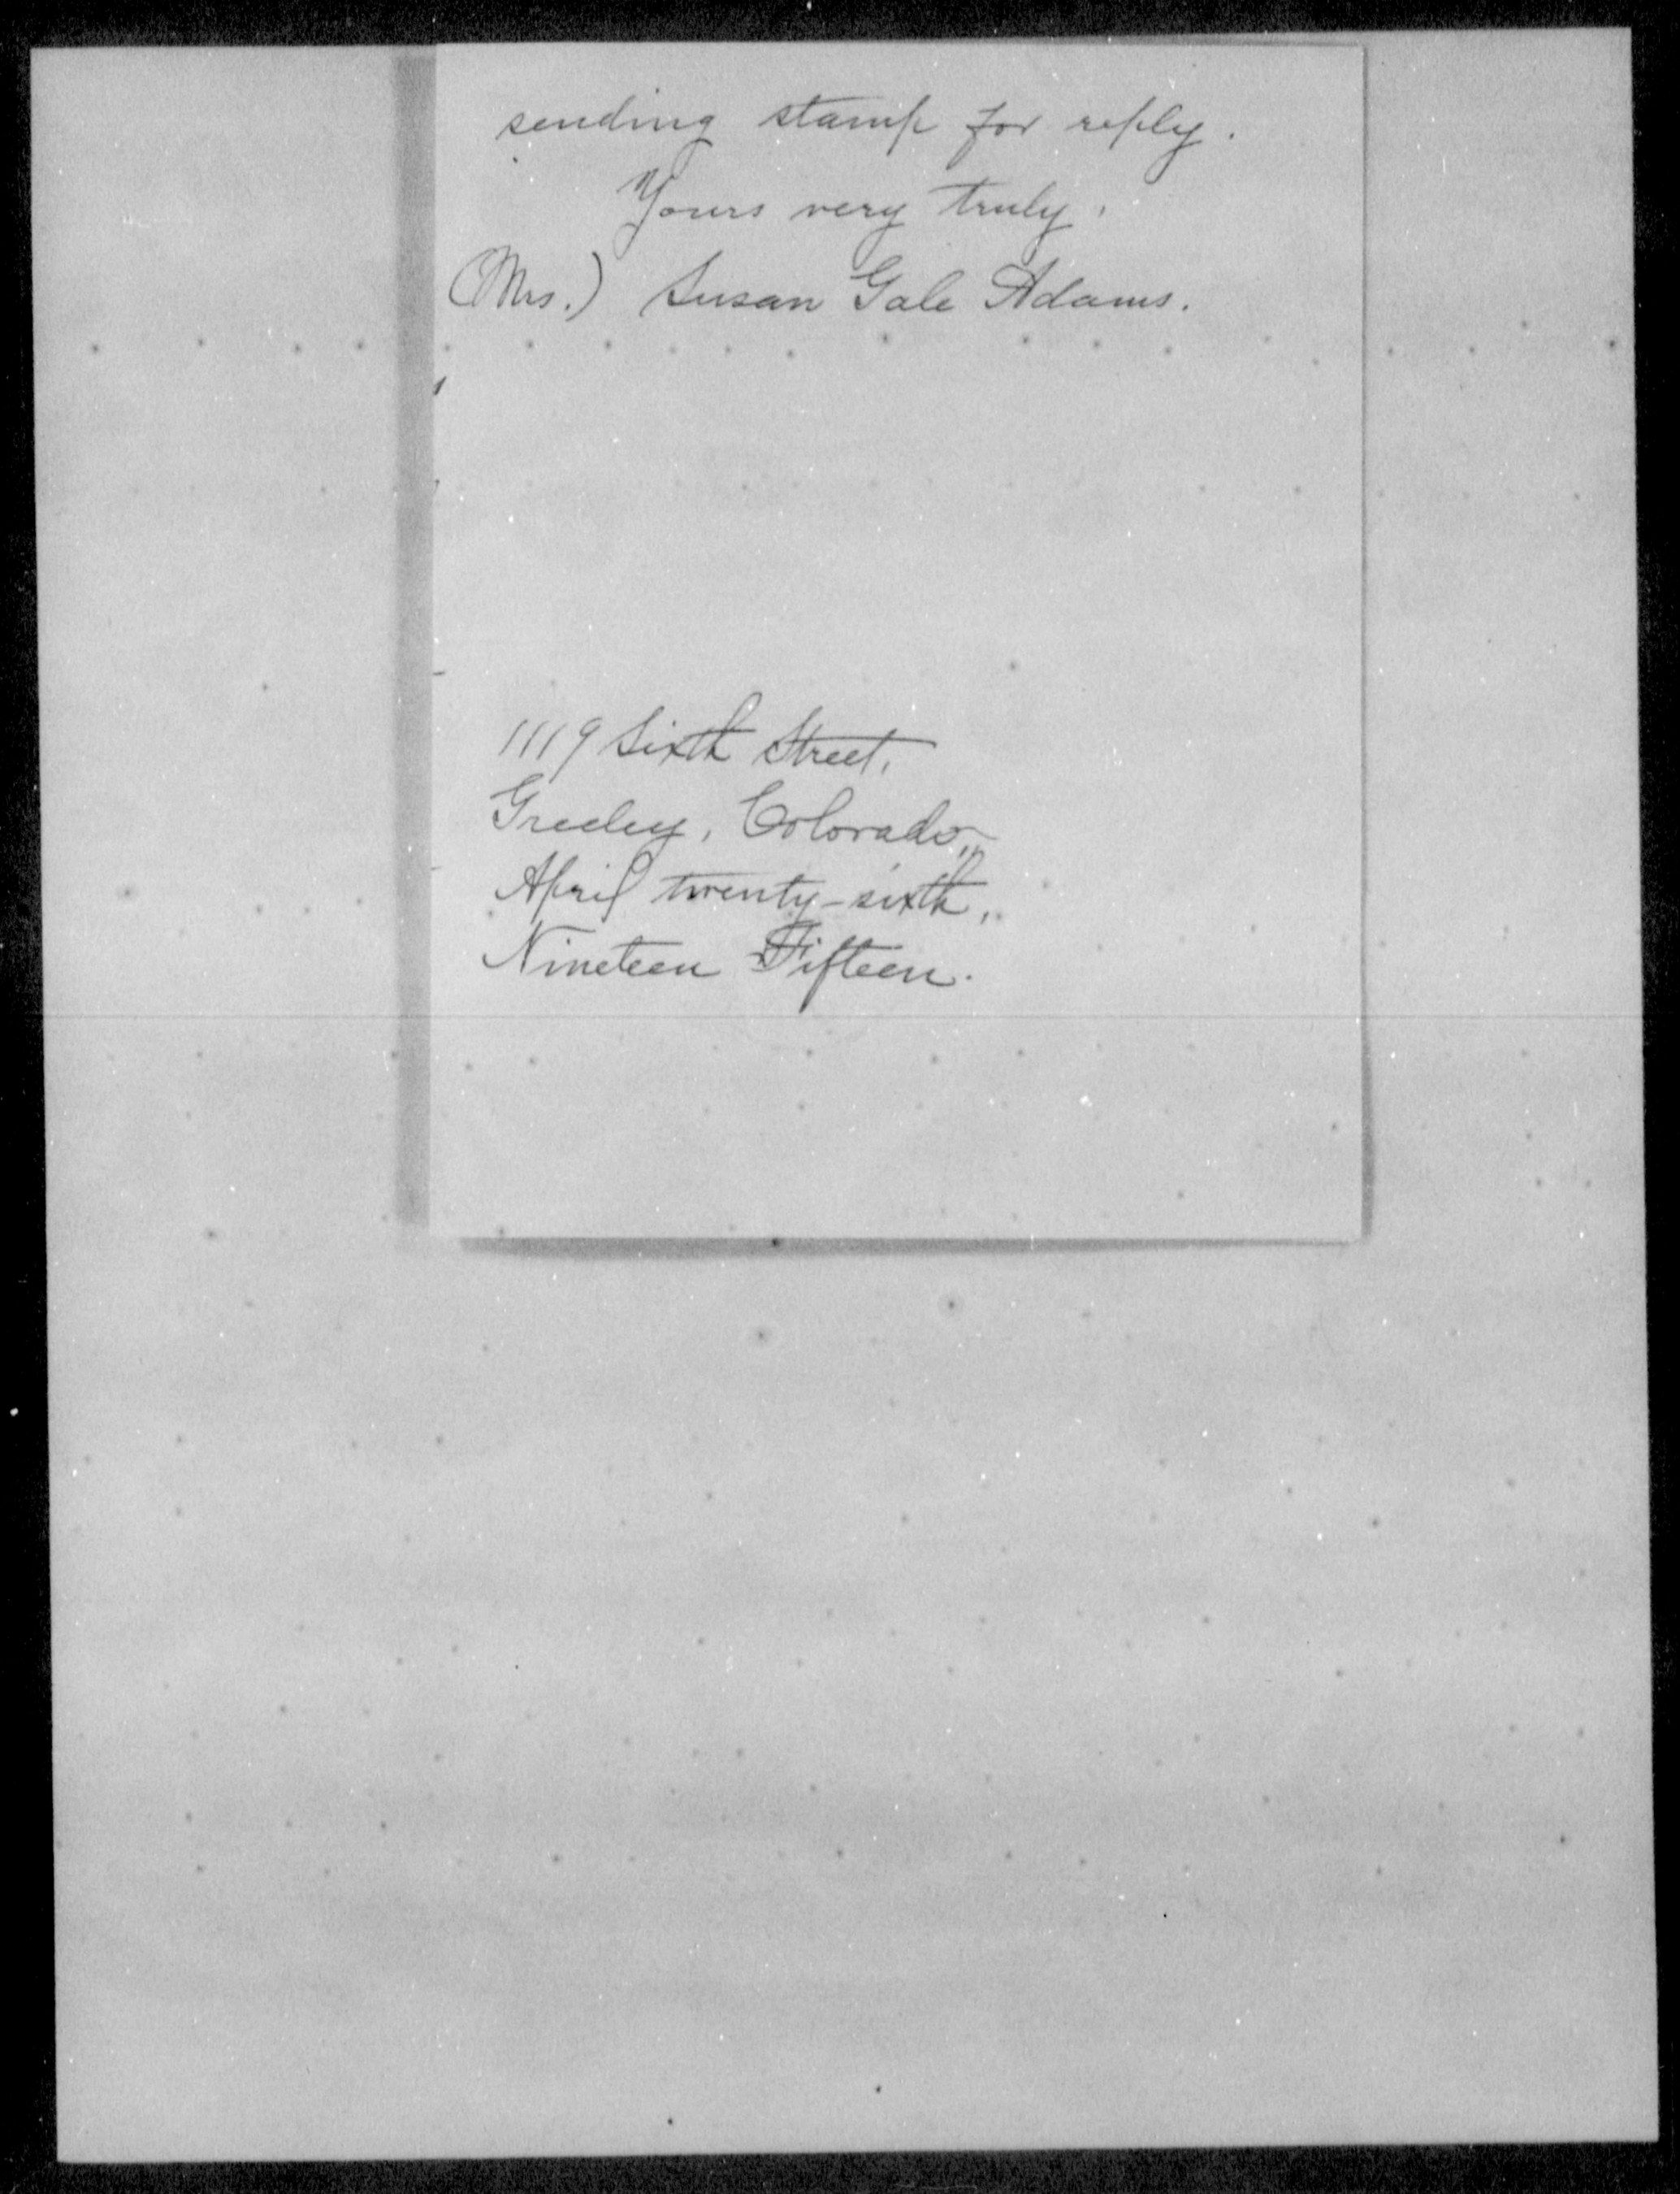sending stamp for reply.
Yours very truly
Mrs.) Susan Gale Adams

1119 Sixth Street
Greeley, Colorado,
April twenty-sixth,
Nineteen Fifteen.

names: Susan Gale Adams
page: 102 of 109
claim: widow's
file: W. 5709, for Thomas Richards, New Hampshire